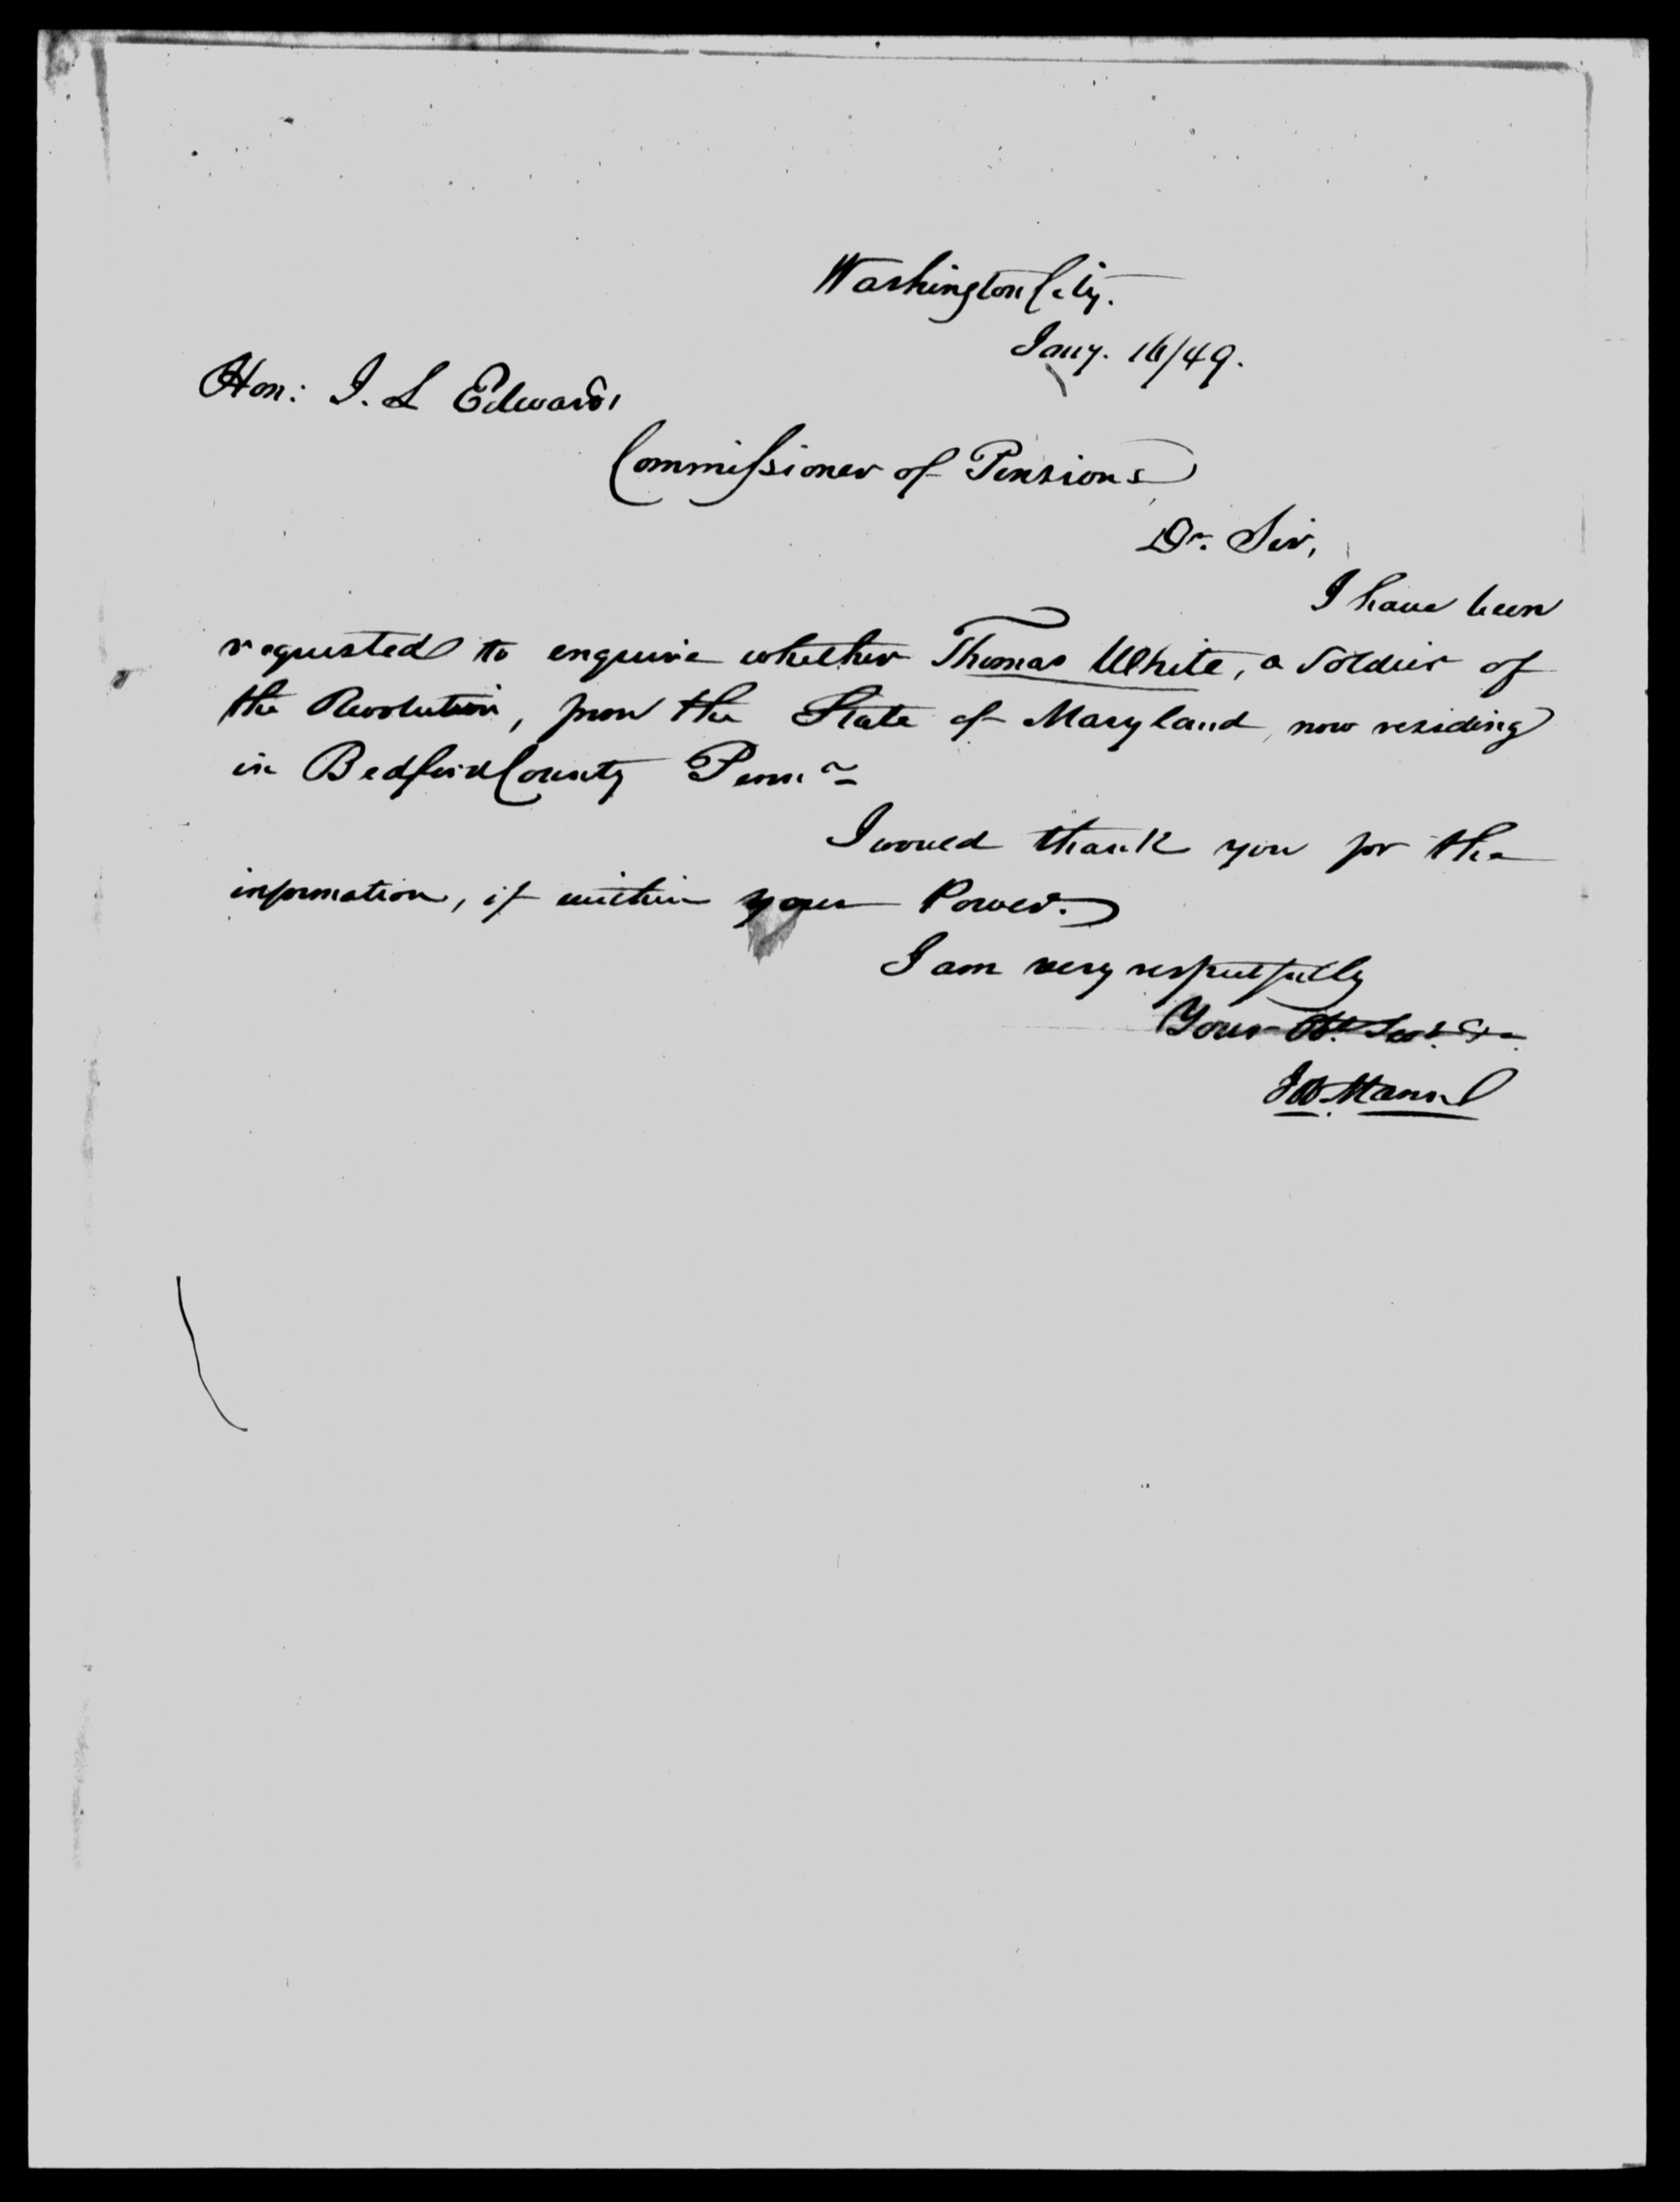Washington City
Jany [January] 16/49.
Hon. J. L. Edwards
Commissioner of Pensions
Dr. Sir,
I have been requested to enquire whether Thomas White, a soldier of the Revolution, from the State of Maryland, now residing in Bedford County Penna 
I would thank you for the information, if within your Power
I am very respectfully
Your obt. Sert [obedient servant] [illegible] 
Job Mansel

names: Thomas White, J L Edwards, Job Mann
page: 42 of 43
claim: survivor's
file: S. 15240, Thomas White, Md.